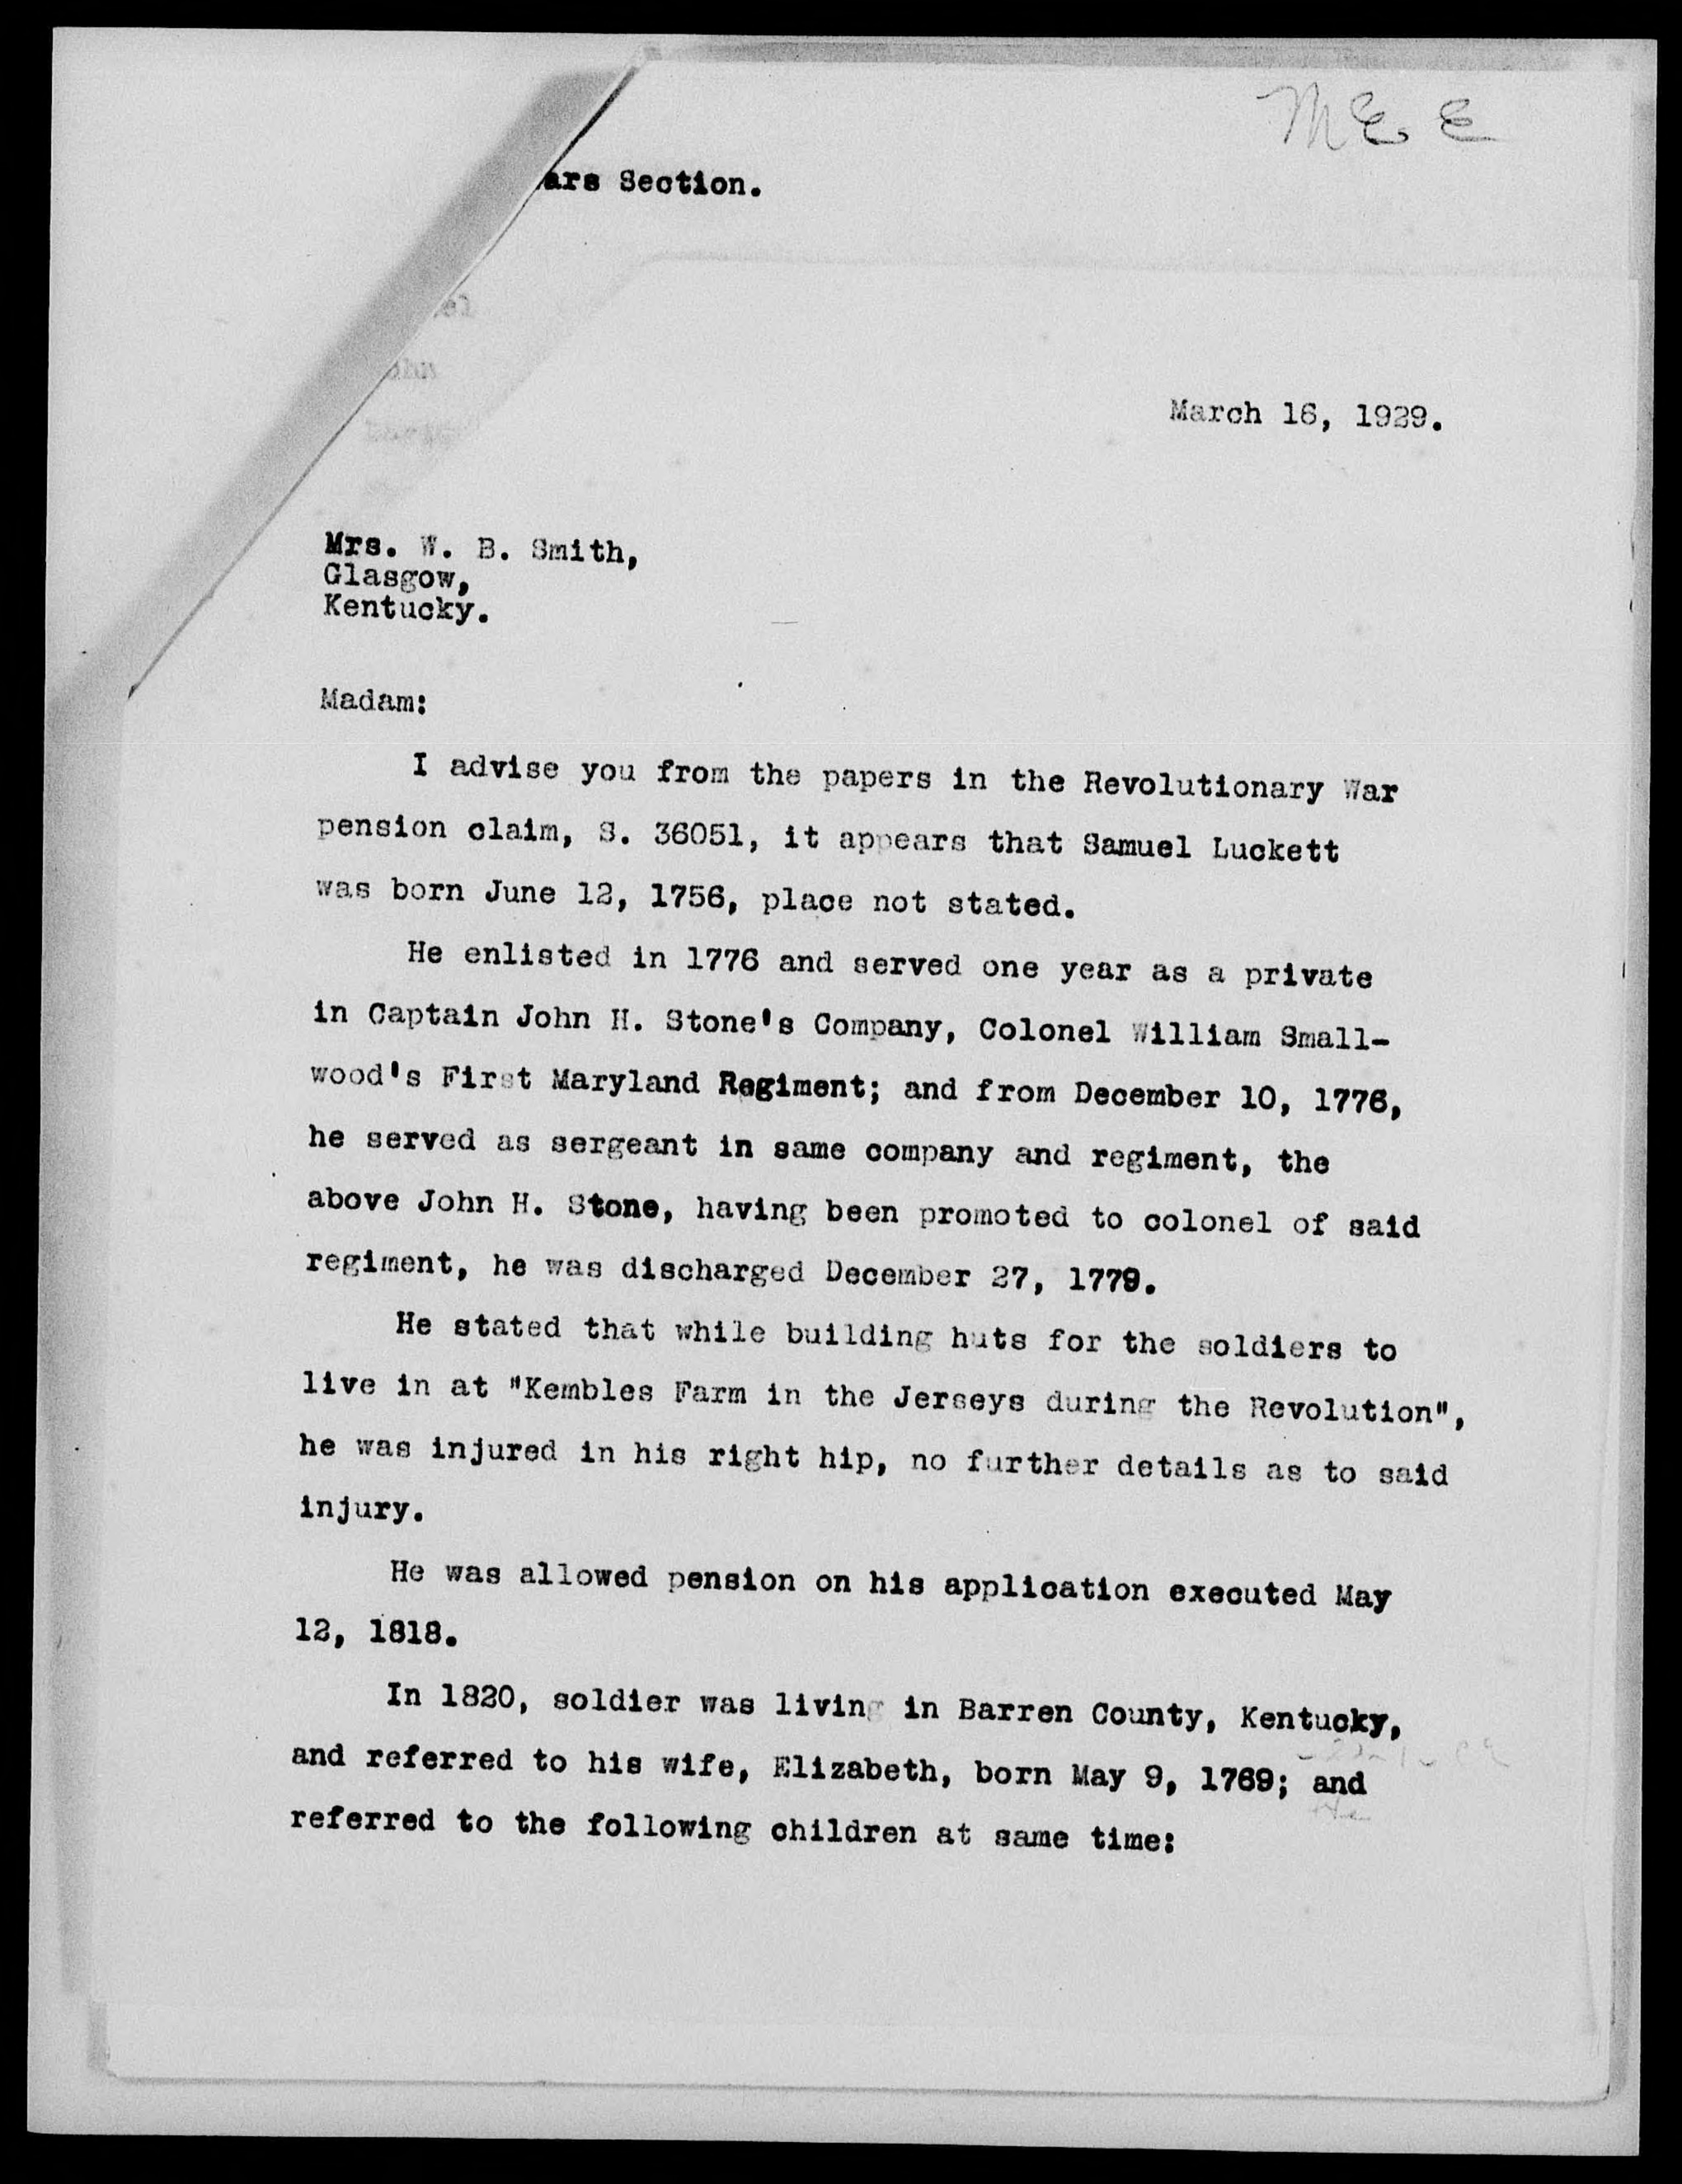Records Section

March 16, 1929

Mrs. W.B. Smith
Glasgow, 
Kentucky

Madam:

I advise you from the papers in the Revolutionary War pension claim S.36051 it appears that Samuel Luckett was born June 12, 1756, place not stated.

He enlisted in 1776 and served one year as a private in Captain John H. Stone's Company, Colonel William Smallwood's First Maryland Regiment; and from December 10, 1776, he served as sergeant in same company and regiment, the above John H Stone, having been promoted to colonel of said regiment he was discharged December 27, 1779.

He stated that while building huts for the soldiers to live in at "Kembles Farm in the Jerseys during the Revolution" he was injured in his right hip, no further details as to said injury.

He was allowed pension on his application executed May 12, 1818.

In 1820, soldier was living in Barren County, Kentucky and referred to his wife, Elizabeth, born May 9, 1769 and referred to the following children at same time:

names: W B Smith; Elizabeth [BLANK]; John H Stone; Samuel Luckett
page: 29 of 34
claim: survivor's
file: S. 36,051, for Samuel Luckett, Maryland